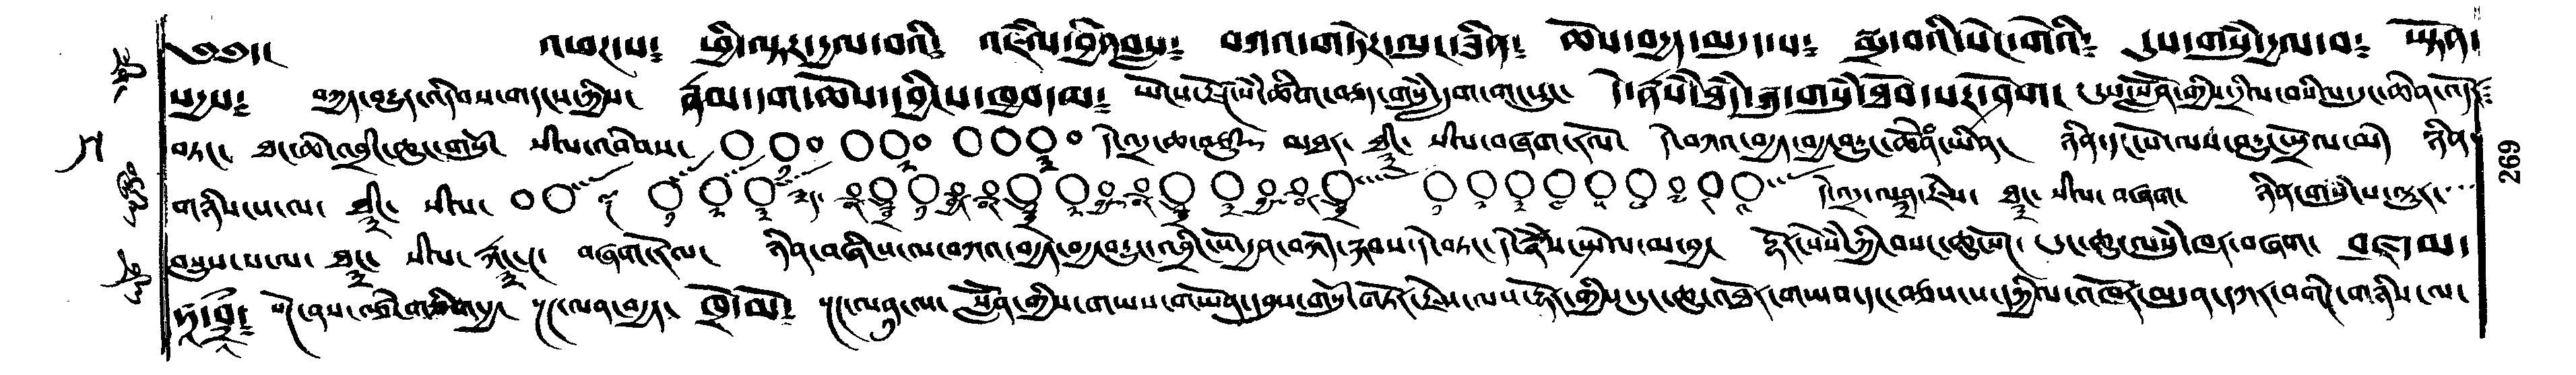འཕགས་པ༴ ཕྱི་ལྟར་རྒྱལ་བའི༴ འཇམ་དཔལ་བྱིན་རླབས༴ བཀའ་གཏེར་ལུང་ཟིན༴ ཆོས་བརྒྱད་མདུད་པ༴ སྨྲ་བའི་སེང་གེའི༴ དུས་གསུམ་རྒྱལ་བ༴ ཡོན་ཏན་
སངས་རྒྱས༴ བཀའ་བརྒྱད་བརྒྱུད་འདེབས་གདངས་ཀྱིས། རྣམ་དག་ཆོས་དབྱིངས་ཁྱབ༴ ཡོངས་རྫོགས་སམ་ཚིགས་བཅད་གསུམ་དྲུག་གང་རུང་། དེ་རྣམས་ཐམས་ཅད་སྐུ་གསུམ་ཐོབ་པར་ཤོག དུས་སློབ་དཔོན་གྱི་དྲིལ་བསིལ་དུང་ཆེན་འདོར་
གཏང་། ཐང་ཆེ་འབྲིང་ཆུང་གསུམ། ཟིལ་འབེབས། དེ་འདྲ་ཆ་བཅུ་གཉིས། མཐར་ཐིང་གསུམ། ཟིལ་བཞག་རོལ། དེ་བཀའ་བརྒྱད་བརྒྱ་རྡུང་ཆེན་མོ་ཡིན། ཉིན་
དང་པོ་ལས་རྡུང་སྲོལ་མེད། ཉིན་གཉིས་པ་ལ། ཐིང་གསུམ། ཟིལ། དེ་འདྲ་ལན་གསུམ་རྗེས། ཐང་གསུམ། ཟིལ། བཞག ཉིན་གསུམ་པ་ལྟ་བུ་
བསྡུས་པ་ལ། ཐིང་གསུམ། ཟིལ། རྐང་གསུམ། ཌཱ་བཞག་རོལ། ཉིན་བཞི་པ་ལ་བཀའ་བརྒྱད་བརྒྱ་རྡུང་འབྲིང་པོ་རྒྱན་བཀོད་སྐབས་དེ་གཏང་། དེ་རྣམས་སྤེལ་མ་བྱ། རྡོར་སེམས་ཀྱི་བསང་ཆུ་སོགས་དུང་ཆུ་ལས་བུམ་ཁར་གཞག བཛྲ་མ་
ཧཱ་ཤྲཱྀ༴ སོགས་ནས་རྩེ་གཅིག་རྒྱ། སྔགས་ལན་བརྒྱད། ཁྲོ་མོ༴ སྔགས་ལན་གཅིག་ལ། སློབ་དཔོན་གྱིས་གཡས་གཡོན་དབུས་གསུམ་གཏོར་རྗེས། ལས་རྡོར་གྱིས་དུང་ཆུ་འཐོར་གཡབ་དང་བཅས་པ་དཀྱིལ་འཁོར་མདུན་དཀར་བགེགས་གཉིས་ལ་